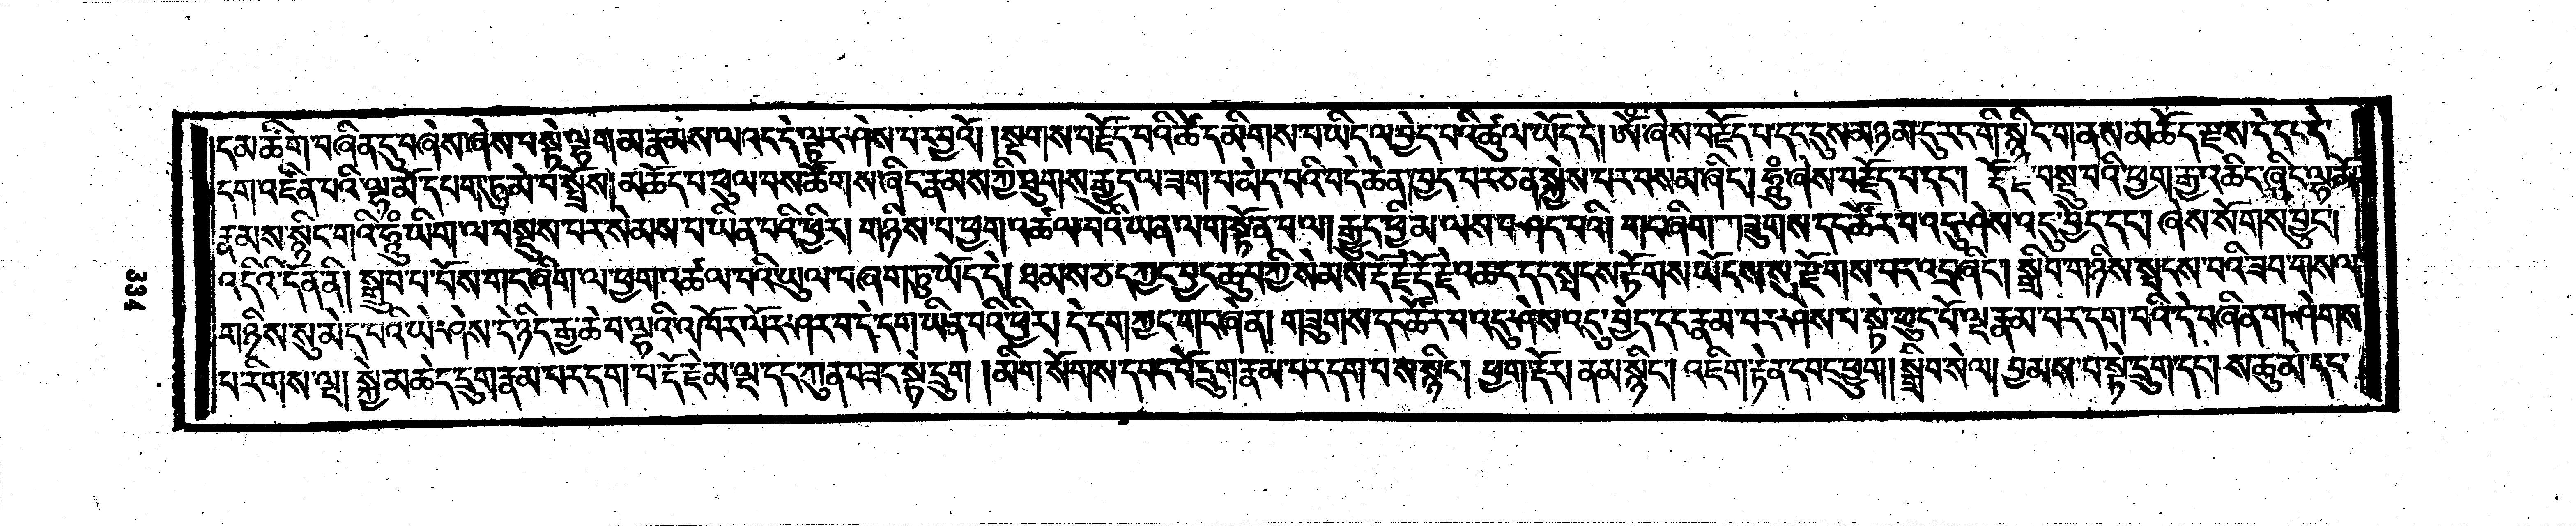དམ་ཚིག་བཞིན་དུ་བཞེས་ཞེས་བ་སྟེ་ལྷག་མ་རྣམས་ལ་འང་དེ་ལྟར་ཤེས་པར་བྱའོ། །སྔགས་བརྗོད་པའི་ཚེ་དམིགས་པ་ཡིད་ལ་བྱེད་པའི་ཚུལ་ཡོད་དེ། ཨོཾ་ཞེས་བརྗོད་པ་དང་དུས་མཉམ་དུ་རང་གི་སྙིང་ག་ནས་མཆོད་རྫས་དེ་དང་དེ་
དག་འཛིན་པའི་ལྷ་མོ་དཔག་ཏུ་མེ་པ་སྤྲོས། མཆོད་པ་ཕུལ་བས་ཚོགས་ཞིང་རྣམས་ཀྱི་ཐུགས་རྒྱུད་ལ་ཟག་པ་མེད་པའི་བདེ་ཆེན་ཁྱད་པར་ཅན་སྐྱེས་པར་བསམ་ཞིང་། ཧཱུཾ་ཞེས་བརྗོད་པ་དང་། རྡོ་རྗེ་བསྡུ་བའི་ཕྱག་རྒྱ་འཆིང་ཞིང་ལྷ་མོ་
རྣམས་སྙིང་གའི་ཧཱུཾ་ཡིག་ལ་བསྡུས་པར་སེམས་པ་ཡིན་པའི་ཕྱིར། གཉིས་པ་ཕྱག་འཚལ་པའི་ཡན་ལག་སྟོན་པ་ལ། རྒྱུད་ཕྱི་མ་ལས་བཤད་པའི། གང་ཞིག་གཟུགས་དང་ཚོར་བ་འདུ་ཤེས་འདུ་བྱེད་དང་། ཞེས་སོགས་བྱུང་།
འདིའི་དོན་ནི། སྒྲུབ་པ་པོས་གང་ཞིག་ལ་ཕྱག་འཚལ་བའི་ཡུལ་བཞག་ཏུ་ཡོད་དེ། ཐམས་ཅད་ཀྱང་བྱང་ཆུབ་ཀྱི་སེམས་རྡོ་རྗེ་རྡོ་རྗེ་འཆང་དང་སྤངས་རྟོགས་ཡོངས་སུ་རྫོགས་པར་འདྲ་ཞིང་། སྒྲིབ་གཉིས་སྤངས་པའི་ཟབ་གསལ་
གཉིས་སུ་མེད་པའི་ཡེ་ཤེས་དེ་ཉིད་རྒྱ་ཆེ་བ་ལྷའི་འཁོར་ལོར་ཤར་བ་དེ་དག་ཡིན་པའི་ཕྱིར། དེ་དག་ཀྱང་གང་ཞེ་ན། གཟུགས་དང་ཚོར་བ་འདུ་ཤེས་འདུ་བྱེད་དང་རྣམ་པར་ཤེས་པ་སྟེ་ཕུང་པོ་ལྔ་རྣམ་པར་དག་པའི་དེ་བཞིན་གཤེགས་
པ་རིགས་ལྔ། སྐྱེ་མཆེད་དྲུག་རྣམ་པར་དག་པ་རྡོ་རྗེ་མ་ལྔ་དང་ཀུན་བཟང་སྟེ་དྲུག །མིག་སོགས་དབང་པོ་དྲུག་རྣམ་པར་དག་པས་སྙིང་། ཕྱག་རྡོར། ནམ་སྙིང་། འཇིག་རྟེན་དབང་ཕྱུག །སྒྲིབ་སེལ། བྱམས་པ་སྟེ་དྲུག་དང་། ས་ཆུ་མེ་དང་